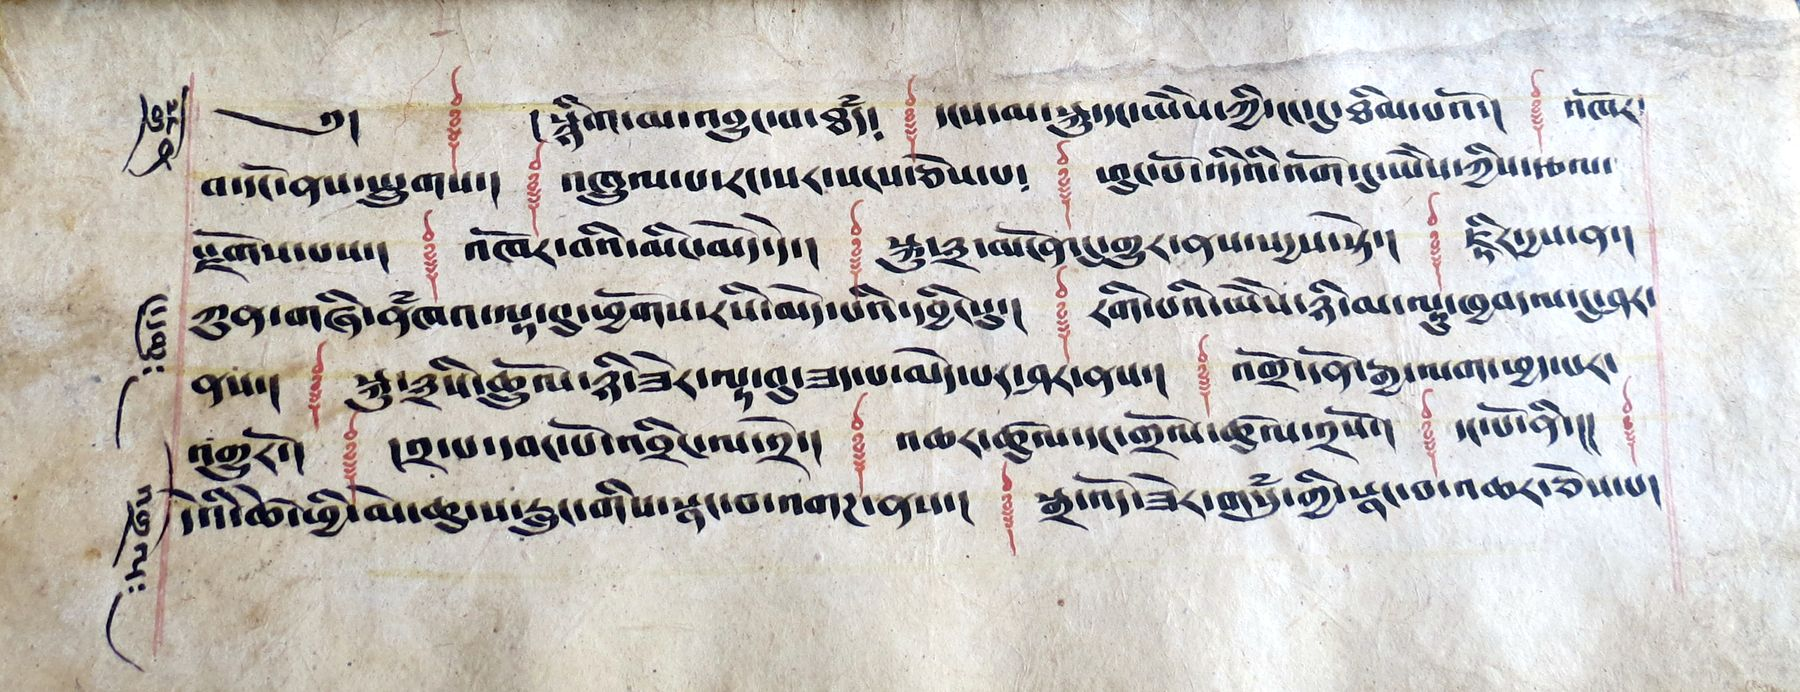སྙིགས་མའི་འབྱུང་བ་ཐམས་ཅད་དྭངས་མ་སྐུ་དང་ཡེ་ཤེས་ཀྱི་ངང་དུ་ཐིམ་པའོ། །འཁོར་
བ་དོང་ནས་སྤྲུག འཁྲུལ་པ་རང་སར་སངས། །ཞེས་པས། ཕུང་པོ་འདིའི་འོག་ཏུ་ཡེ་ཤེས་ཀྱི་རྩལ་
རྫོགས་པས། འཁོར་བའི་མིང་ཡང་མེད་དེ། སྐུ་གསུམ་མངོན་དུ་གྱུར་ནས་སངས་རྒྱས་ཏེ། ཇི་ལྟར་རྒྱས་ན་
ཀུན་གཞི་ནམ་མཁའ་ལྟ་བུ་ཕྱོགས་རིས་མེད་པའི་དབྱིངས་སུ། རིག་པའི་ཡེ་ཤེས་ཉི་མ་ལྟ་བུ་ཁྱབ་བདལ་དུ་ཤར་
ནས། སྐུ་གསུམ་གྱི་ཆོ་འཕྲུལ་ཉི་ཟེར་ལྟ་བུ་ཟད་པ་མེད་པར་ཤར་ནས། འགྲོ་དོན་རྒྱ་ལག་ཕྱད་པར་
འགྱུར་རོ། །གཉིས་པ་དབང་པོ་འབྲིང་ལ་གཉིས་ཏེ། འཆར་ཚུལ་དང་གྲོལ་ཚུལ་གཉིས་སོ། །དང་པོ་ནི། 
དེའི་ཚེ་ཕྱི་མེ་ཆུ་ས་རླུང་གི་སྣང་བ་འགགས་ནས། སྒྲ་འོད་ཟེར་གསུམ་གྱི་སྣང་བ་འཆར། །ཞེས་པས།